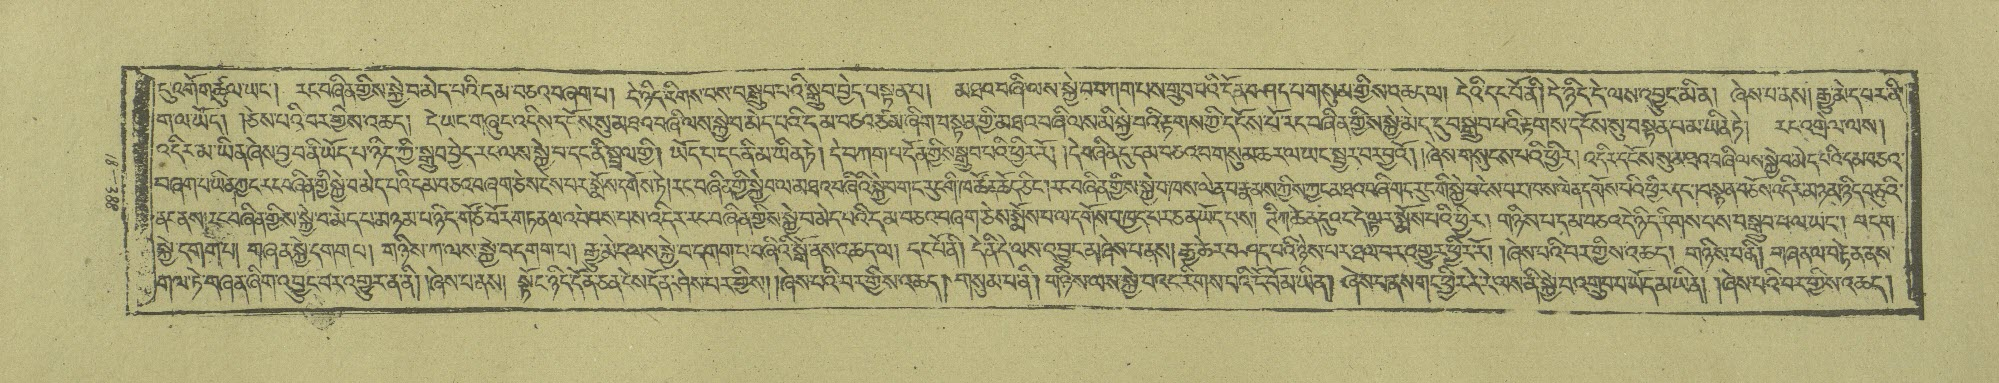དུ་འཕོག་ཚུལ་ཡང་། རང་བཞིན་གྱིས་སྐྱེ་བ་མེད་པའི་དམ་བཅའ་བཞག་པ། དེ་ཉིད་རིགས་པས་བསྒྲུབ་པའི་སྒྲུབ་བྱེད་བསྟན་པ། མཐའ་བཞི་ལས་སྐྱེ་བ་བཀག་པས་གྲུབ་པའི་དོན་བཤད་པ་གསུམ་གྱིས་འཆད་ལ། དེའི་དང་པོ་ནི། དེ་ཉིད་དེ་ལས་འབྱུང་མིན། ཞེས་པ་ནས། རྒྱུ་མེད་པར་ནི་
གལ་ཡོད། །ཅེས་པའི་བར་གྱིས་འཆད། དེ་ཡང་གཞུང་འདིས་དངོས་སུ་མཐའ་བཞི་ལས་སྐྱེ་བ་མེད་པའི་དམ་བཅའ་ཙམ་ཞིག་བསྟན་གྱི་མཐའ་བཞི་ལས་མི་སྐྱེ་བའི་རྟགས་ཀྱི་དངོས་པོ་རང་བཞིན་གྱིས་སྐྱེ་མེད་དུ་བསྒྲུབ་པའི་རྟགས་དངོས་སུ་བསྟན་པ་མ་ཡིན་ཏེ། རང་འགྲེལ་ལས།
འདིར་མ་ཡིན་ཞེས་བྱ་བ་ནི་ཡོད་པ་ཉིད་ཀྱི་སྒྲུབ་བྱེད་རང་ལས་སྐྱེ་བ་དང་ནི་སྒྲེལ་གྱི། ཡོད་པ་དང་ནི་མ་ཡིན་ཏེ། དེ་བཀག་པ་དོན་གྱིས་སྒྲུབ་པའི་ཕྱིར་རོ། །དེ་བཞིན་དུ་དམ་བཅའ་བ་གསུམ་ཆར་ལ་ཡང་སྦྱར་བར་བྱའོ། །ཞེས་གསུངས་པའི་ཕྱིར། འདིར་དངོས་སུ་མཐའ་བཞི་ལས་སྐྱེ་བ་མེད་པའི་དམ་བཅའ་
བཞག་པ་ཡིན་ཀྱང་རང་བཞིན་གྱིས་སྐྱེ་བ་མེད་པའི་དམ་བཅའ་བཞག་ཅེས་ངེས་པར་སྨོས་དགོས་ཏེ། རང་བཞིན་གྱི་སྐྱེ་བ་ལ་མཐའ་བཞིའི་སྐྱེ་བ་གང་རུང་གི་ཁ་ཚོན་ཆོས་ཅིང་། རང་བཞིན་གྱིས་སྐྱེ་བ་ཁས་ལེན་པ་རྣམས་ཀྱིས་ཀྱང་མཐའ་བཞི་གང་རུང་གི་སྐྱེ་བ་ངེས་པར་ཁས་ལེན་དགོས་པའི་ཕྱིར་དང་། བསྟན་བཅོས་འདིར་མཉམ་ཉིད་བཅུའི་
ནང་ནས་རང་བཞིན་གྱིས་སྐྱེ་བ་མེད་པ་མཉམ་པ་ཉིད་གཙོ་བོར་གཏན་ལ་འབེབས་པས་འདིར་རང་བཞིན་གྱིས་སྐྱེ་བ་མེད་པའི་དམ་བཅའ་བཞག་ཅེས་སྨོས་པ་ལ་དགོས་པ་ཁྱད་པར་ཅན་ཡོད་པས། ཊིཀ་ཆེན་དུའང་དེ་ལྟར་སྨོས་པའི་ཕྱིར། གཉིས་པ་དམ་བཅའ་དེ་ཉིད་རིགས་པས་བསྒྲུབ་པ་ལ་ཡང་། བདག་
སྐྱེ་དགག་པ། གཞན་སྐྱེ་དགག་པ། གཉིས་ཀ་ལས་སྐྱེ་བ་དགག་པ། རྒྱུ་མེད་ལས་སྐྱེ་བ་དགག་པ་བཞིའི་སྒོ་ནས་འཆད་ལ། དང་པོ་ནི། དེ་ནི་དེ་ལས་འབྱུང་མ་ཞེས་པ་ནས། རྒྱུ་ཆེར་བཤད་པའི་ཉེས་པར་ཐལ་བར་འགྱུར་ཕྱིར་རོ། །ཞེས་པའི་བར་གྱིས་འཆད། གཉིས་པ་ནི། གཞན་ལ་བརྟེན་ནས་
གལ་ཏེ་གཞན་ཞིག་འབྱུང་བར་འགྱུར་ན་ནི། །ཞེས་པ་ནས། སྟོང་ཉིད་དོན་ཅན་ངེས་དོན་ཤེས་པར་གྱིས། །ཞེས་པའི་བར་གྱིས་འཆད། གསུམ་པ་ན། གཉིས་ལས་སྐྱེ་བའང་རིགས་པའི་ངོ་བོ་མ་ཡིན། ཞེས་པ་ནས་གང་ཕྱིར་རེ་རེ་ལས་ནི་སྐྱེ་བ་འགྲུབ་པ་ཡོད་མ་ཡིན། །ཞེས་པའི་བར་གྱིས་འཆད།